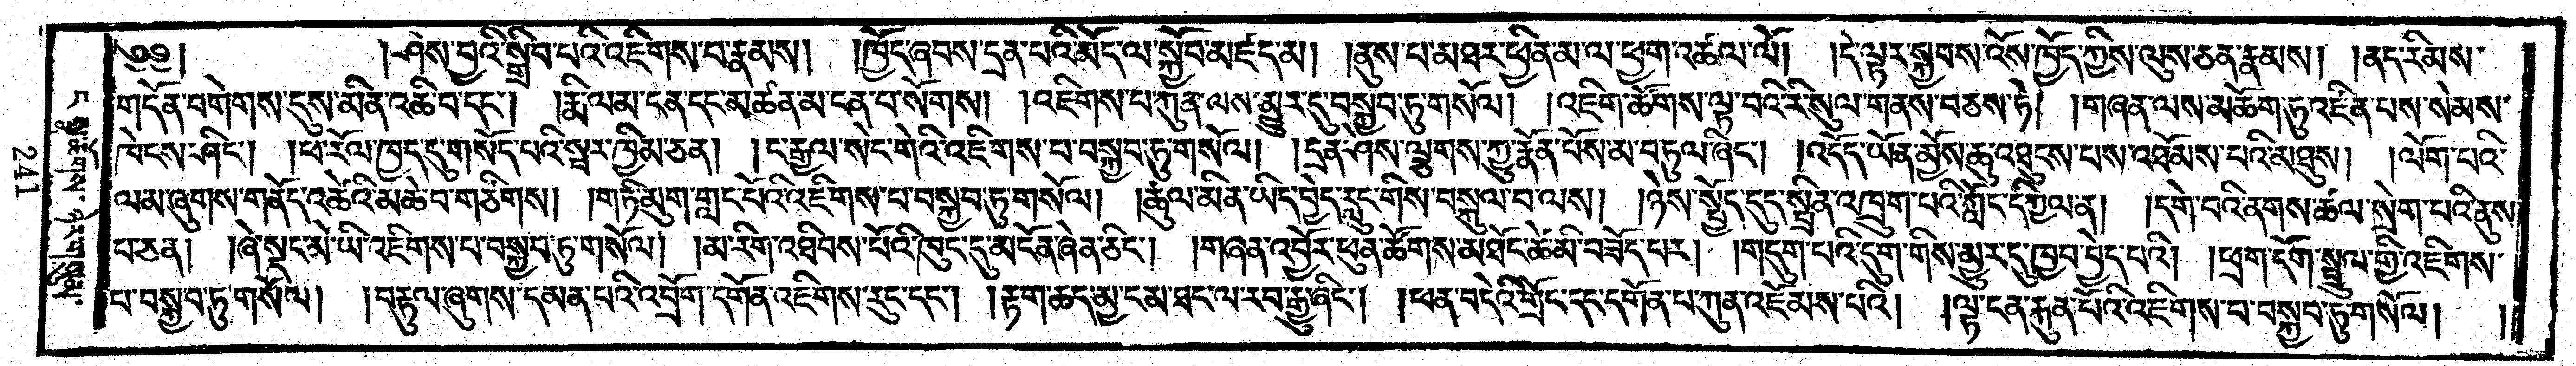༄༅། །ཤེས་བྱའི་སྒྲིབ་པའི་འཇིགས་པ་རྣམས། །ཁྱོད་ཞབས་དྲན་པའི་མོད་ལ་སྐྱོབ་མཛད་མ། །ནུསབ་པ་མཐར་ཕྱིན་མ་ལ་ཕྱག་འཚལ་ལོ། །དེ་ལྟར་སྐྱབས་འོས་ཁྱོད་ཀྱིས་ལུས་ཅན་རྣམས། །ནད་རིམས་
གདོན་བགེགས་དུས་མིན་འཆི་བ་དང་། །རྨི་ལམ་ངན་དང་མཚན་མ་ངན་པ་སོགས། །འཇིགས་པ་ཀུན་ལས་མྱུར་དུ་བསྐྱབ་ཏུ་གསོལ། །འཇིག་ཚོགས་ལྟ་བའི་རི་སུལ་གནས་བཅས་ཏེ། །གཞན་ལས་མཆོག་ཏུ་འཛིན་པས་སེམས་
ཁེངས་ཤིང་། །ཕ་རོལ་ཁྱད་དུ་གསོད་པའི་སྦར་ཁྱིམ་ཅན། །ང་རྒྱལ་སེང་གེའི་འཇིགས་པ་བསྐྱབ་ཏུ་གསོལ། །དྲན་ཤེས་ལྕགས་ཀྱུ་རྣོན་པོས་མ་བཏུལ་ཞིང་། །འདོད་ཡོན་མྱོས་ཆུ་འཐུངས་པས་འཐོམས་པའི་མཐུས། །ལོག་པའི་
ལམ་ཞུགས་གནོད་འཚེའི་མཆེ་བ་གཙིགས། །གཏི་མུག་གླང་པོའི་འཇིགས་པ་བསྐྱབ་ཏུ་གསོལ། །ཚུལ་མིན་ཡིད་བྱེད་རླུང་གིས་བསྐུལ་བ་ལས། །ཉེས་སྤྱོད་དུད་སྤྲིན་འཁྲུག་པའི་ཀློང་དཀྱིལ་ན། །དགེ་བའི་ནགས་ཚལ་སྲེག་པའི་ནུས་
པ་ཅན། །ཞེ་སྡང་མེ་ཡི་འཇིགས་པ་བསྐྱབ་ཏུ་གསོལ། །མ་རིག་འཐིབས་པོའི་ཁུང་དུ་མངོན་ཞེན་ཅིང་། །གཞན་འབྱོར་ཕུན་ཚོགས་མཐོང་ཚེ་མི་བཟོད་པར། །གདུག་པའི་དུག་གིས་མྱུར་དུ་ཁྱབ་བྱེད་པའི། །ཕྲག་དོག་སྤྲུལ་གྱི་འཇིགས་
པ་བསྐྱབ་ཏུ་གསོལ། །བརྟུལ་ཞུགས་དམན་པའི་འབྲོག་དགོན་འཇིགས་རུང་དང་། །རྟག་ཆད་མྱ་ངམ་ཐང་ལ་རབ་རྒྱུ་ཞིང་། །ཕན་བདེའི་གྲོང་དང་དགོན་པ་ཀུན་འཇོམས་པའི། །ལྟ་ངན་རྐུན་པོའི་འཇིགས་པ་བསྐྱབ་ཏུ་གསོལ། །